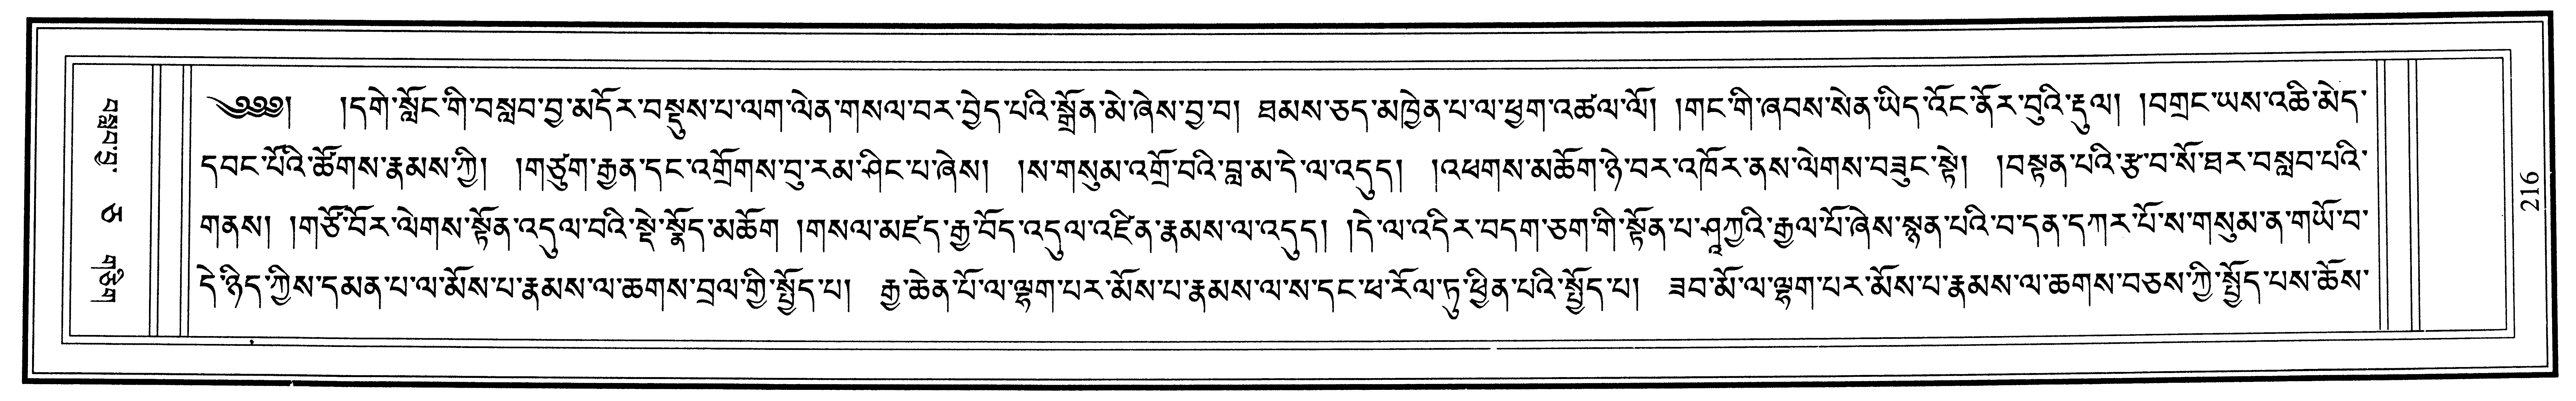༄༅༅། །དགེ་སློང་གི་བསླབ་བྱ་མདོར་བསྡུས་པ་ལག་ལེན་གསལ་བར་བྱེད་པའི་སྒྲོན་མེ་ཞེས་བྱ་བ། ཐམས་ཅད་མཁྱེན་པ་ལ་ཕྱག་འཚལ་ལོ། །གང་གི་ཞབས་སེན་ཡིད་འོང་ནོར་བུའི་རྡུལ། །བགྲང་ཡས་འཆི་མེད་
དབང་པོའི་ཚོགས་རྣམས་ཀྱི། །གཙུག་རྒྱན་དང་འགྲོགས་བུ་རམ་ཤིང་པ་ཞེས། །ས་གསུམ་འགྲོ་བའི་བླ་མ་དེ་ལ་འདུད། །འཕགས་མཆོག་ཉེ་བར་འཁོར་ནས་ལེགས་བཟུང་སྟེ། །བསྟན་པའི་རྩ་བ་སོ་ཐར་བསླབ་པའི་
གནས། །གཙོ་བོར་ལེགས་སྟོན་འདུལ་བའི་སྡེ་སྣོད་མཆོག །གསལ་མཛད་རྒྱ་བོད་འདུལ་འཛིན་རྣམས་ལ་འདུད། །དེ་ལ་འདིར་བདག་ཅག་གི་སྟོན་པ་ཤཱཀྱའི་རྒྱལ་པོ་ཞེས་སྙན་པའི་བ་དན་དཀར་པོ་ས་གསུམ་ན་གཡོ་བ་
དེ་ཉིད་ཀྱིས་དམན་པ་ལ་མོས་པ་རྣམས་ལ་ཆགས་བྲལ་གྱི་སྤྱོད་པ། རྒྱ་ཆེན་པོ་ལ་ལྷག་པར་མོས་པ་རྣམས་ལ་ས་དང་ཕ་རོལ་ཏུ་ཕྱིན་པའི་སྤྱོད་པ། ཟབ་མོ་ལ་ལྷག་པར་མོས་པ་རྣམས་ལ་ཆགས་བཅས་ཀྱི་སྤྱོད་པས་ཆོས་